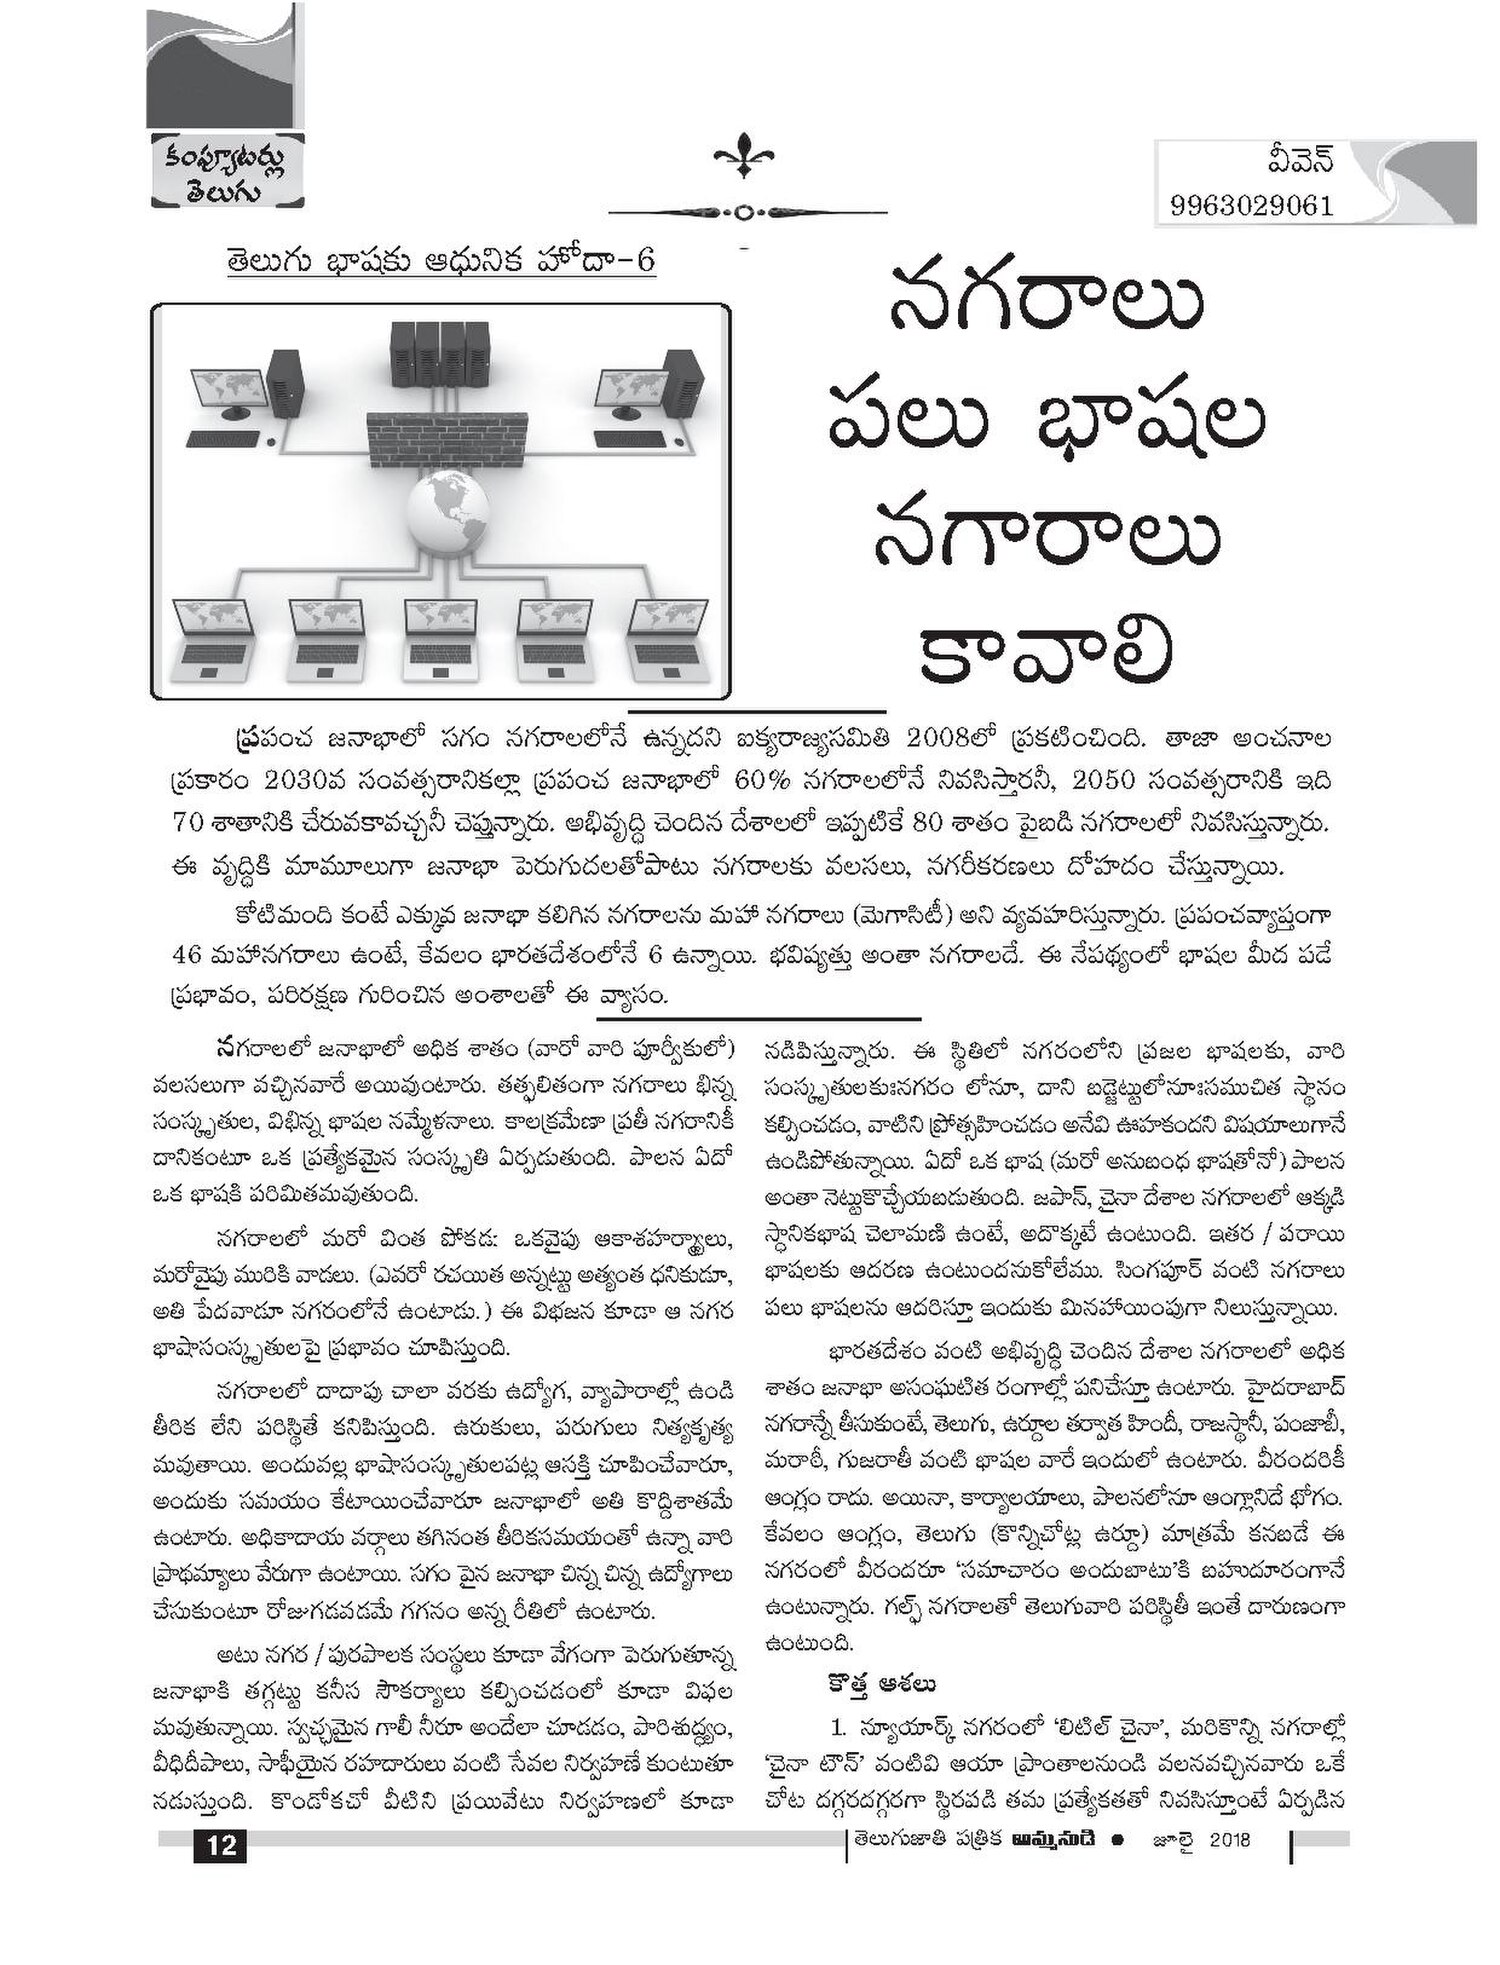తెలుగు భాషకు ఆధునిక హోదా - 6

నగరాలు పలు భాషల నగారాలు కావాలి

ప్రపంచ జనాభాలో సగం నగరాలలోని ఉన్నదని ఐక్యరాజ్యసమితి 2008లో ప్రకటించింది తాజా అంచనాల ప్రకారం 2030 సంవత్సరానికల్లా ప్రపంచ జనాభాలో 60% నగరాలలోనే నివసిస్తారనీ, 2050 సంవత్సరానికి ఇది 70 శాతానికి చేరుకోవచ్చనీ చెబుతున్నారు అభివృద్ధి చెందిన దేశాలలో ఇప్పటికే 80 శాతం పైబడి నగరాలలో నివసిస్తున్నారు ఈ వృద్ధికి మామూలుగా జనాభా పెరుగుదలతోపాటు నగరాలకు వలసలు నగరీకరణలు దోహదం చేస్తున్నాయి

కోటిమంది కంటే ఎక్కువ జనాభా కలిగిన నగరాలను మహా నగరాలు అని వ్యవహరిస్తున్నారు ప్రపంచవ్యాప్తంగా 46 మహానగరాలు ఉంటే కేవలం భారతదేశంలోనే 6 ఉన్నాయి భవిష్యత్తు అంతా నగరాలదే. ఈ నేపథ్యంలో భాషల మీద పడే ప్రభావం పరిరక్షణ గురించి అంశాలతో ఈ వ్యాసం

నగరాలలో జనాభాలో అధిక శాతం (వారో వారి పూర్వీకులో) వలసలుగా వచ్చినవారే అయివుంటారు తత్ఫలితంగా నగరాలు భిన్న సంస్కృతులు విభిన్న భాషల సమ్మేళనాలు కాలక్రమేణా ప్రతీ నగరానికీ దానికంటూ ఒక ప్రత్యేకమైన సంస్కృతి ఏర్పడుతుంది పాలన ఏదో ఒక భాషకి పరిమితమవుతుంది

నగరాలలో మరో వింత పోకడ: ఒకవైపు ఆకాశహర్మ్యాలు మరోవైపు మురికి వాడలు (ఎవరో రచయిత అన్నట్టు అత్యంత ధనికుడూ, అతి పేదవాడూ నగరంలోనే ఉంటాడు.) ఈ విభజన కూడా ఆ నగర భాషాసంస్కృతులపైప్రభావం చూపిస్తుంది.

నగరాలలో దాదాపు చాలా వరకు ఉద్యోగ, వ్యాపారాల్లో ఉండి తీరిక లేని పరిస్థితే కనిపిస్తుంది. ఉరుకులు పరుగులు నిత్యకృత్య మవుతాయి అందువల్ల భాషాసంస్కృతులపట్ల ఆసక్తి చూపించేవారూ, అందుకు సమయం కేటాయించేవారూ జనాభాలో అతి కొద్దిశాతమే ఉంటారు అధికాదాయ వర్గాలు తగినంత తీరికసమయంతో ఉన్న వారి ప్రాథమ్యాలు వేరుగా ఉంటాయి. సగం పైన జనాభా చిన్న చిన్న ఉద్యోగాలు చేసుకుంటూ రోజుగడవడమే గగనం అన్న రీతిలో ఉంటారు

అటు నగర / పురపాలక సంస్థలు కూడా వేగంగా పెరుగుతూన్న జనాభాకి తగ్గట్టు కనీస సౌకర్యాలు కల్పించడంలో కూడా విఫల మవుతున్నాయి. స్వచ్ఛమైన గాలీ నీరూ అందేలా చూడడం, పారిశుధ్యం, వీధిదీపాలు, సాఫీయైన రహదారులు వంటి సేవల నిర్వహణే కుంటుతూ నడుస్తుంది కొండొకచో వీటిని ప్రయివేటు నిర్వహణలో కూడా నడిపిస్తున్నారు. ఈ స్థితిలో నగరంలోని ప్రజల భాషలకు, వారి సంస్కృతులకుఃనగరం లోను దాని బడ్జెట్టులోనూఃసముచిత స్థానం కల్పించడం, వాటిని ప్రోత్సహించడం అనేవి ఊహకందని విషయాలుగానే ఉండిపోతున్నాయి ఏదో ఒక భాష (మరో అనుబంధ భాషతోనో) పాలన అంతా నెట్టుకొచ్చేయబడుతుంది జపాన్, చైనా దేశాల నగరాలలో అక్కడి స్థానికభాష చలామణి ఉంటే అదొక్కటే ఉంటుంది. ఇతర / పరాయి భాషలకు ఆదరణ ఉంటుందనుకోలేము. సింగపూర్ వంటి నగరాలు పలు భాషలను ఆదరిస్తూ ఇందుకు మినహాయింపుగా నిలుస్తున్నాయి.

భారతదేశం వంటి అభివృద్ధి చెందిన దేశాల నగరాలలో అధిక శాతం జనాభా అసంఘటిత రంగాల్లో పనిచేస్తూ ఉంటారు హైదరాబాద్ నగరాన్నే తీసుకుంటే తెలుగు ఉర్దూల తర్వాత హిందీ, రాజస్థానీ, పంజాబీ, మరాఠీ, గుజరాతీ వంటి భాషల వారే ఇందులో ఉంటారు వీరందరికీ ఆంగ్లం రాదు. అయినా, కార్యాలయాలు పాలనలోనూ ఆంగ్లానిదే భోగం కేవలం ఆంగ్లం, తెలుగు (కొన్నిచోట్ల ఉర్దూ) మాత్రమే కనబడే ఈ నగరంలో మీరందరూ 'సమాచారం అందుబాటు'కి బహుదూరంగానే ఉంటున్నారు. గల్ఫ్ నగరాలలో తెలుగువారి పరిస్థితీ ఇంతే దారుణంగా ఉంటుంది

కొత్త ఆశలు 

1. న్యూయార్క్ నగరంలో 'లిటిల్ చైనా', మరికొన్ని నగరాల్లో 'చైనాటౌన్‌' వంటివి ఆయా ప్రాంతాలనుండి వలసవచ్చినవారు ఒకే చోట దగ్గరదగ్గరగా స్థిరపడి తమ ప్రత్యేకతతో నివసిస్తూంటే ఏర్పడిన